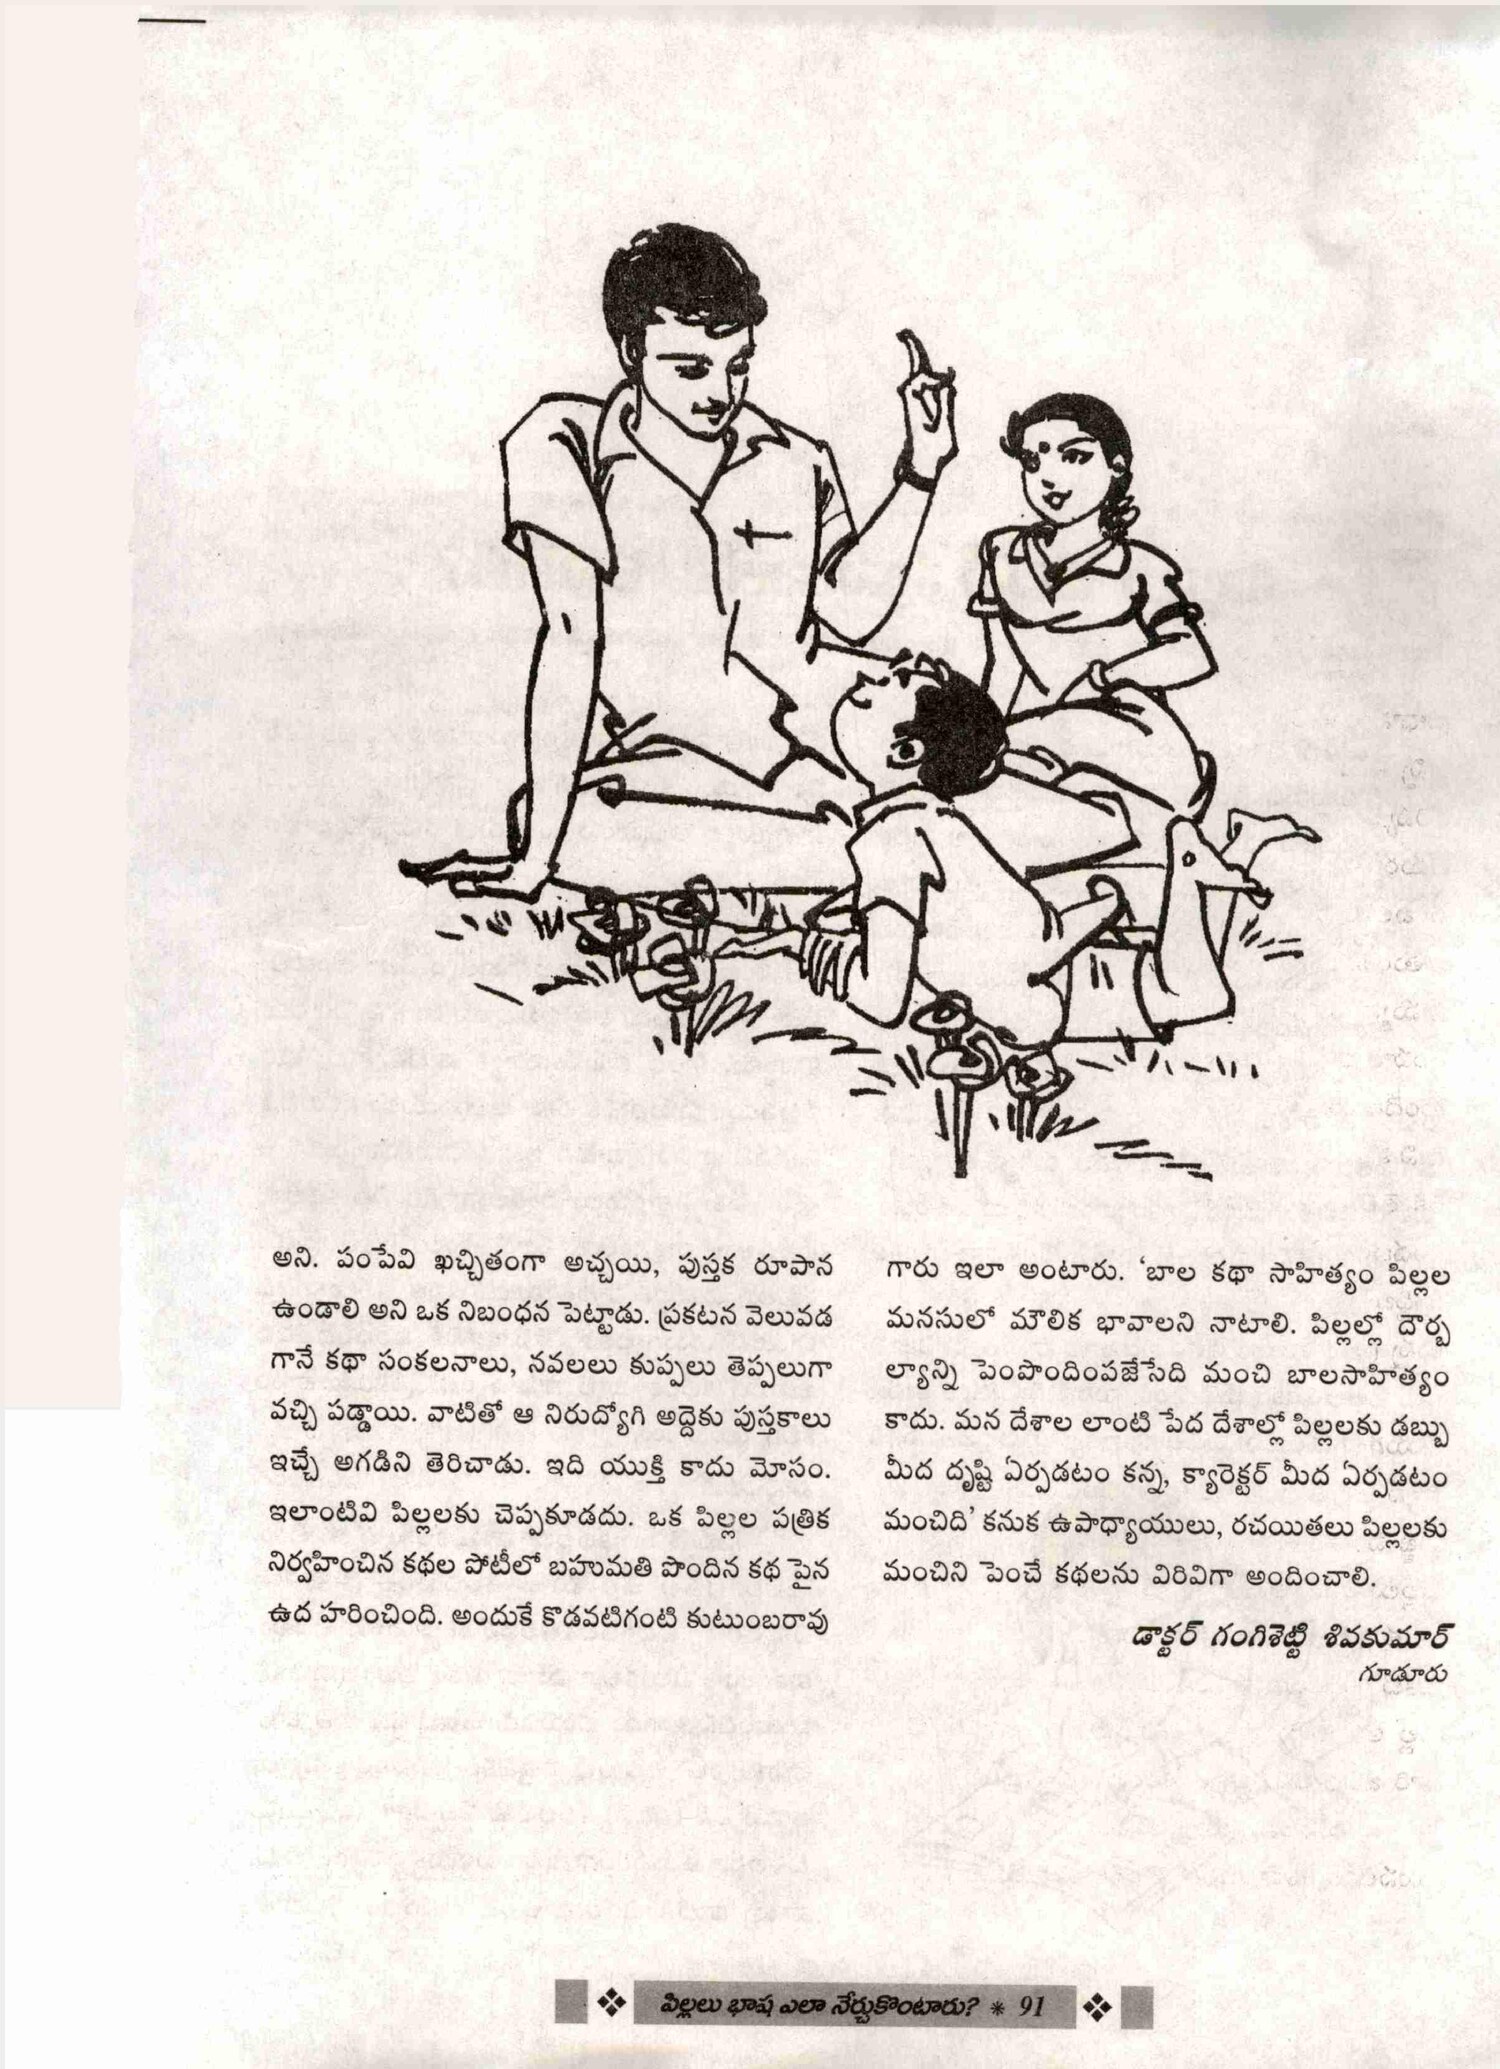అని. పంపేవి ఖచ్చితంగా అచ్చయి, పుస్తక రూపాన ఉండాలి అని ఒక నిబంధన పెట్టాడు. ప్రకటన వెలువడగానే కథా సంకలనాలు, నవలలు కుప్పలు తెప్పలుగా వచ్చి పడ్డాయి. వాటితో ఆ నిరుద్యోగి అద్దెకు పుస్తకాలు ఇచ్చే అంగడిని తెరిచాడు. ఇది యుక్తి కాదు మోసం. ఇలాంటివి పిల్లలకు చెప్పకూడదు. ఒక పిల్లల పత్రిక నిర్వహించిన కథల పోటీలో బహుమతి పొందిన కథ పైన ఉద హరించింది. అందుకే కొడవటిగంటి కుటుంబరావు గారు ఇలా అంటారు. 'బాల కథా సాహిత్యం పిల్లల మనసులో మౌలిక భావాలని నాటాలి. పిల్లల్లో దౌర్బల్యాన్ని పెంపొందింపజేసేది మంచి బాలసాహిత్యం కాదు. మన దేశాల లాంటి పేద దేశాల్లో పిల్లలకు డబ్బు మీద దృష్టి ఏర్పడటం కన్న, క్యారెక్టర్ మీద ఏర్పడటం మంచిది' కనుక ఉపాధ్యాయులు, రచయితలు పిల్లలకు మంచిని పెంచే కథలను విరివిగా అందించాలి.